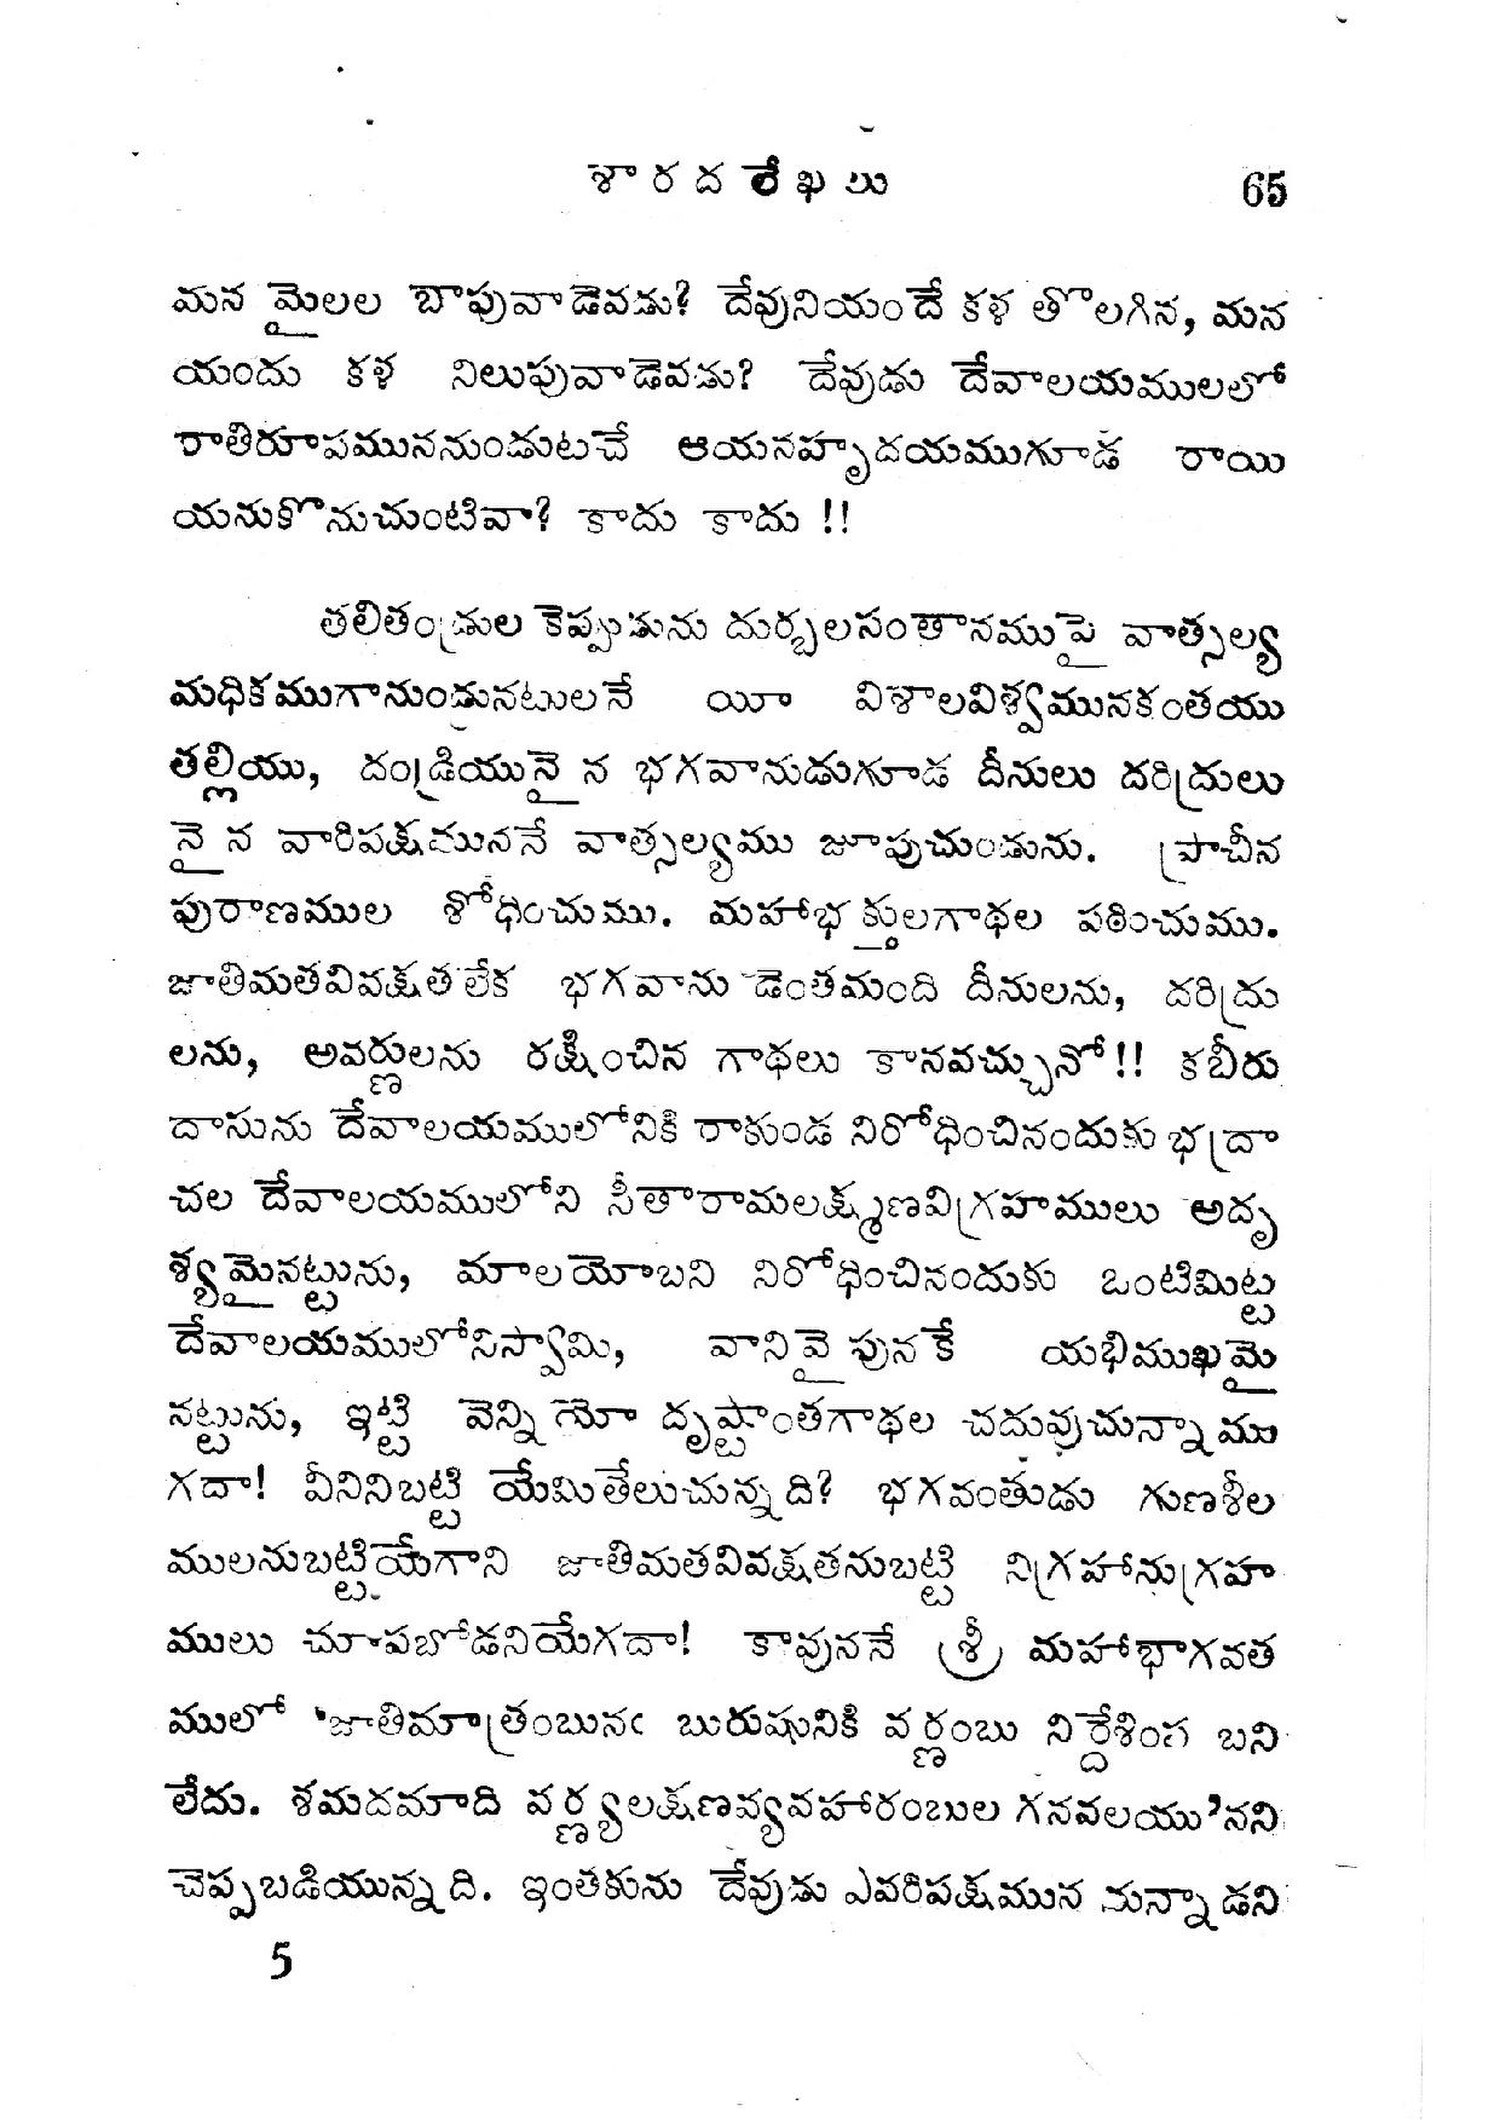మన మైలల బాపువాడెవడు? దేవునియందే కళ తొలగిన, మన
యందు కళ నిలుపువాడెవడు? దేవుడు దేవాలయములలో
రాతిరూపముననుండుటచే ఆయనహృదయముగూడ రాయి
యనుకొనుచుంటివా? కాదు కాదు !!

తల్లితండ్రుల కెప్పుడును దుర్బల సంతానముపై వాత్సల్య
మధికముగానుండునటులనే యీ విశాలవిశ్వమునకంతయు
తల్లియు, దండ్రియునై న భగవానుడుగూడ దీనులు దరిద్రులు
నైన వారిపక్షముననే వాత్సల్యము జూపుచుండును. ప్రాచీన
పురాణముల శోధించుము. మహాభక్తులగాథలు పఠించుము.
జాతిమత వివక్షత లేక భగవాను డెంతమంది దీనులను, దరిద్రు
లను, అవర్ణులను రక్షించిన గాథలు కానవచ్చునో!! కబీరు
దాసును దేవాలయములోనికి రాకుండ నిరోధించినందుకు భద్రా
చల దేవాలయములోని సీతారామలక్ష్మణవిగ్రహములు అదృ
శ్యమైనట్టును, మాలయోబని నిరోధించినందుకు ఒంటిమిట్ట
దేవాలయములోనిస్వామి, వాని వై పున కే యభిముఖమై
నట్టును, ఇట్టి వెన్ని యో దృష్టాంతగాథల చదువుచున్నాము
గదా! వీనినిబట్టి యేమి తేలుచున్నది? భగవంతుడు గుణశీల
ములనుబట్టియేగాని జాతిమత వివక్షతనుబట్టి నిగ్రహానుగ్రహ
ములు చూపబోడనియేగదా! కావుననే శ్రీ మహాభాగవత
ములో 'జాతిమాత్రంబునఁ బురుషునికి వర్ణంబు నిర్దేశింపబని
లేదు. శమదమాది వర్ణ్యలక్షణవ్యవహారంబుల గనవలయు'నని
చెప్పబడియున్నది. ఇంతకును దేవుడు ఎవరిపక్షమున నున్నాడని
5